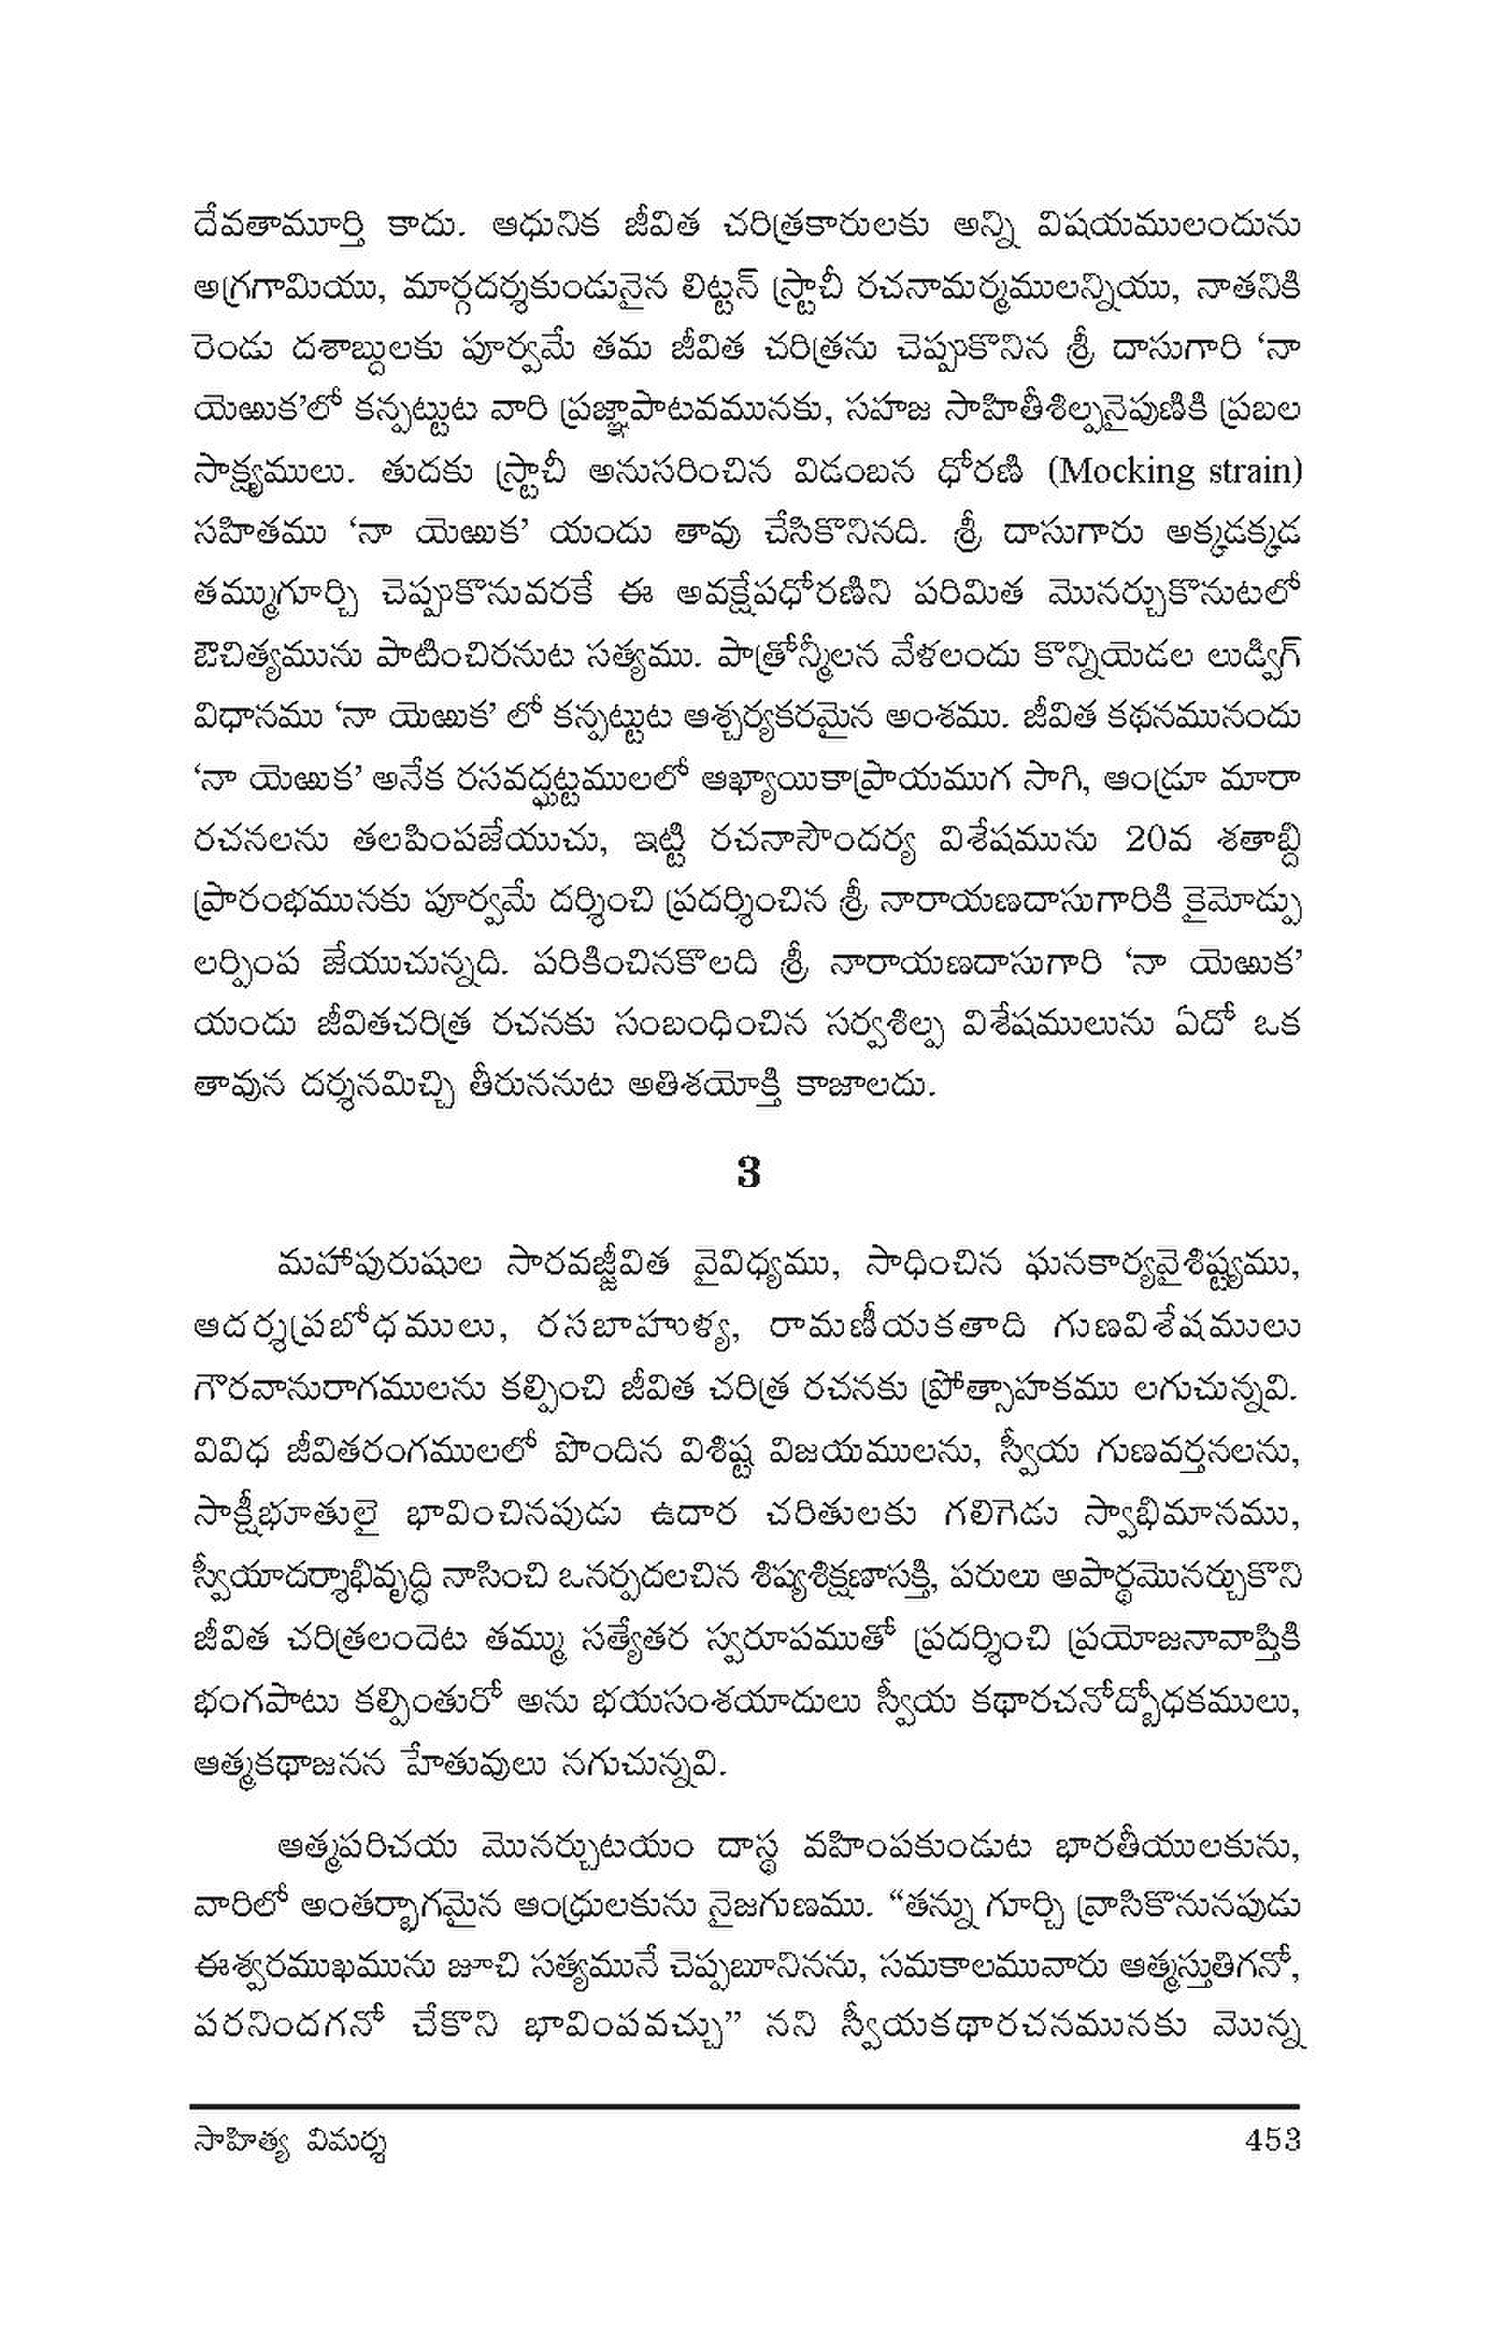దేవతామూర్తి కాదు. ఆధునిక జీవిత చరిత్రకారులకు అన్ని విషయములందును
అగ్రగామియు, మార్గదర్శకుండునైన లిట్టన్ స్ట్రాచీ రచనామర్మములన్నియు, నాతనికి
రెండు దశాబ్దులకు పూర్వమే తమ జీవిత చరిత్రను చెప్పుకొనిన శ్రీ దాసుగారి 'నా
యెఱుక'లో కన్పట్టుట వారి ప్రజ్ఞాపాటవమునకు, సహజ సాహితీశిల్పనైపుణికి ప్రబల
సాక్ష్యములు. తుదకు స్ట్రాచీ అనుసరించిన విడంబన ధోరణి (Mocking strain)
సహితము 'నా యెఱుక' యందు తావు చేసికొనినది. శ్రీ దాసుగారు అక్కడక్కడ
తమ్ముగూర్చి చెప్పుకొనువరకే ఈ అవక్షేపధోరణిని పరిమిత మొనర్చుకొనుటలో
ఔచిత్యమును పాటించిరనుట సత్యము. పాత్రోన్మీలన వేళలందు కొన్నియెడల లుడ్విగ్
విధానము 'నా యెఱుక' లో కన్నట్టుట ఆశ్చర్యకరమైన అంశము. జీవిత కథనమునందు
'నా యెఱుక' అనేక రసవర్ఘట్టములలో అఖ్యాయికాప్రాయముగ సాగి, ఆండ్రూ మారా
రచనలను తలపింపజేయుచు, ఇట్టి రచనాసౌందర్య విశేషమును 20వ శతాబ్ది
ప్రారంభమునకు పూర్వమే దర్శించి ప్రదర్శించిన శ్రీ నారాయణదాసుగారికి కైమోడ్పు
లర్పింప జేయుచున్నది. పరికించినకొలది శ్రీ నారాయణదాసుగారి 'నా యెఱుక’
యందు జీవితచరిత్ర రచనకు సంబంధించిన సర్వశిల్ప విశేషములును ఏదో ఒక
తావున దర్శనమిచ్చి తీరుననుట అతిశయోక్తి కాజాలదు.
మహాపురుషుల సారవజ్జీవిత వైవిధ్యము, సాధించిన ఘనకార్యవైశిష్ట్యము,
ఆదర్శప్రబోధములు, రసబాహుళ్య, రామణీయకతాది గుణవిశేషములు
గౌరవానురాగములను కల్పించి జీవిత చరిత్ర రచనకు ప్రోత్సాహకము లగుచున్నవి.
వివిధ జీవితరంగములలో పొందిన విశిష్ట విజయములను, స్వీయ గుణవర్తనలను,
సాక్షీభూతులై భావించినపుడు ఉదార చరితులకు గలిగెడు స్వాభిమానము,
స్వీయాదర్శాభివృద్ధి నాసించి ఒనర్పదలచిన శిష్యశిక్షణాసక్తి, పరులు అపార్థమొనర్చుకొని
జీవిత చరిత్రలందెట తమ్ము సత్యేతర స్వరూపముతో ప్రదర్శించి ప్రయోజనావాప్తికి
భంగపాటు కల్పింతురో అను భయసంశయాదులు స్వీయ కథారచనోద్బోధకములు,
ఆత్మకథాజనన హేతువులు నగుచున్నవి.

ఆత్మపరిచయ మొనర్చుటయం దాస్ఠ వహింపకుండుట భారతీయులకును,
వారిలో అంతర్భాగమైన ఆంధ్రులకును నైజగుణము. "తన్ను గూర్చి వ్రాసికొనునపుడు
ఈశ్వరముఖమును జూచి సత్యమునే చెప్పబూనినను, సమకాలమువారు ఆత్మస్తుతిగానో,
పరనిందగనో చేకొని భావింపవచ్చు" నని స్వీయకథారచనమునకు మొన్న